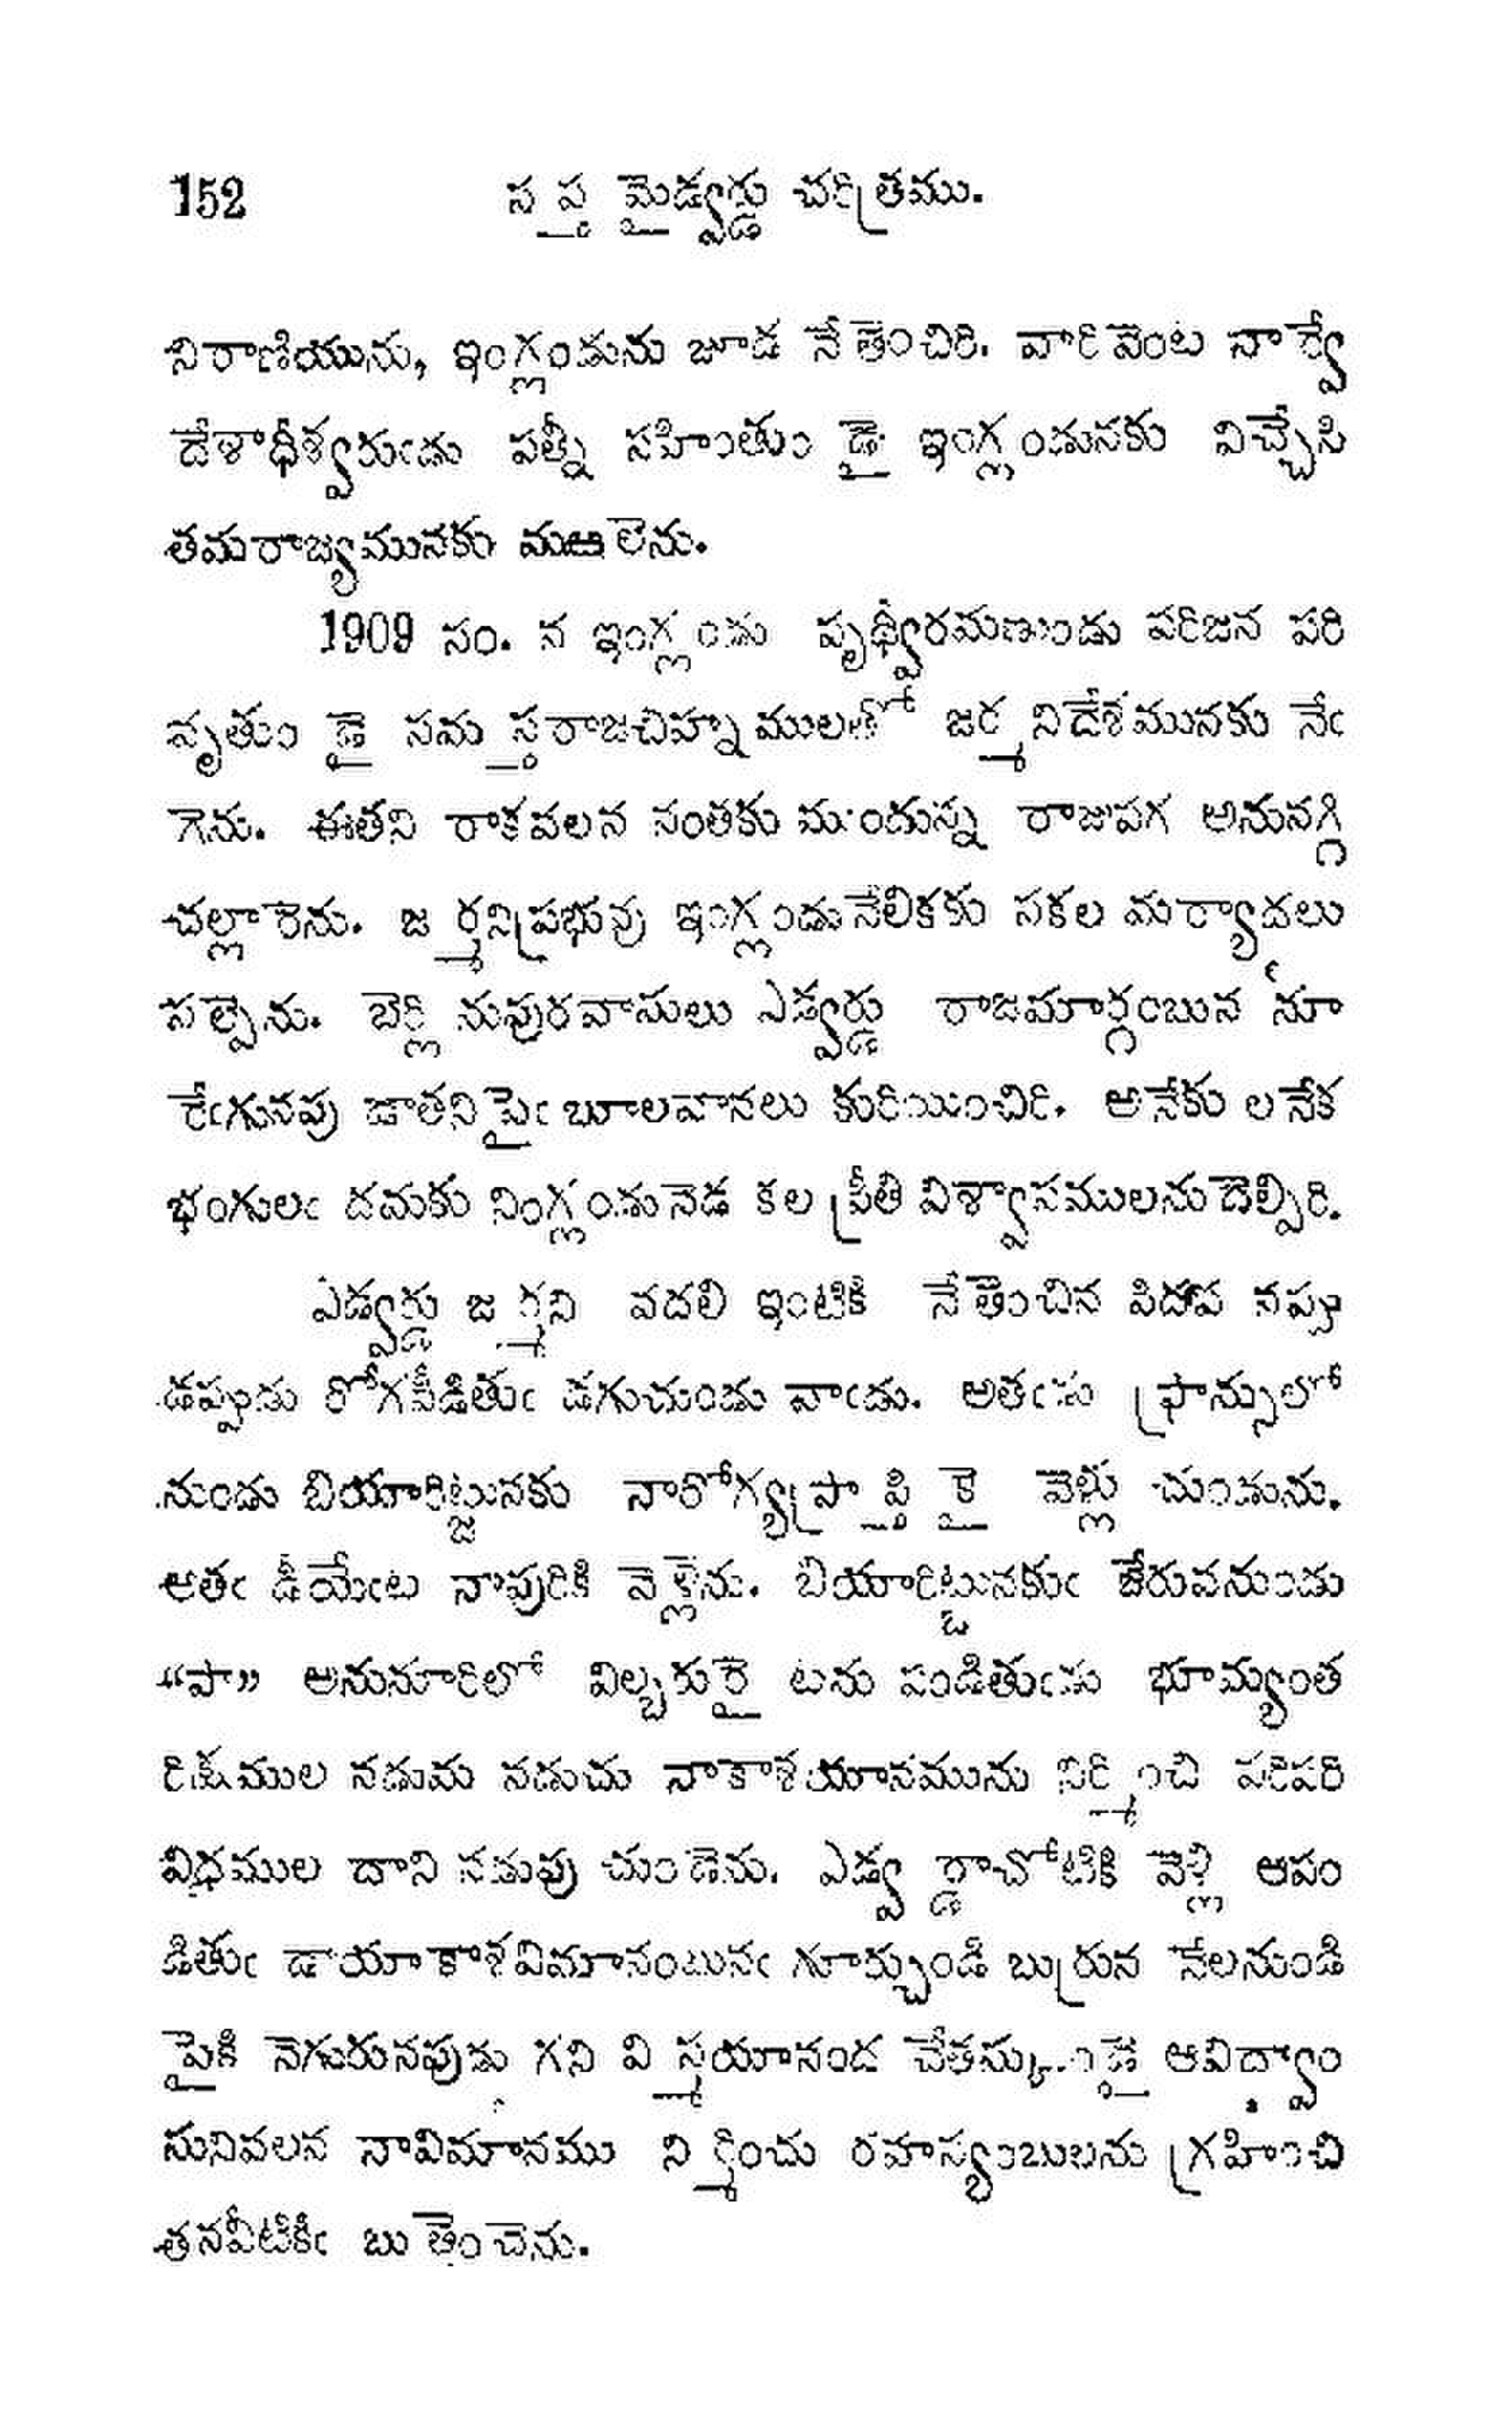నిరాణియును, ఇంగ్లండును జూడ నేతెంచిరి. వారి వెంట నార్వే దేశాధీశ్వరుఁడు పల్నీ సహితుడై" ఇంగ్లండునకు విచ్చేసి తమరాజ్యమునకు ముఱలెను.

1909 సం. న ఇంగ్లండు పృథ్వీరమణండు పరిజన పరి వృతుండై సమస్తరాజచిహ్నముల , జర్మని దేశమునకు నేఁ గెను. ఈతని రాకవలన సంతకు ముందున్న రాజు పగ అనునగ్గి చల్లారెను. జర్మని ప్రభువు ఇంగ్లండు నేలికకు సకల మర్యాదలు సల్పెను. బెర్లిను పురవాసులు ఎడ్వర్డు రాజమార్గంబున నూ రేఁగునపు డాతని పైఁ బూలవానలు కురియించి, అనేకు లనేక భంగులఁ దమకు నింగ్లండు నెడ కల ప్రీతి విశ్వాసములను దెల్పిరి.

ఎడ్వర్డు జర్మని వదలి ఇంటికి నే తెంచిన పిదప నప్పు డప్పుడు రోగ పీడితుఁ డగుచుండు వాఁడు. అతడు ఫ్రాన్సులో నుందు బియాకిట్టునకు నారోగ్య ప్రాప్తి కై వెళ్లు చుడును, ఆతఁ డీయేఁట నాపురికి వెళ్లెను. బియారిటునకుఁ జేరువ నుండు "పా " అనునూరిలో విల్బరు రైటను పండితుడు భూమ్యంత రిక్షముల నడుమ నడుచు నాకాశ యానమును నిర్మించి పరిషరి విధముల దాని నడుపు చుండెను. ఎడ్వర్డా చోటికి వెళ్లి ఆపం డితుఁ డాయా కొత్త విమానంబునఁ గూర్చుండి బుర్రున 'నేలనుండి పైకి నెగురు నపుడు గని విస్మాయానంద చేతస్కుండై . ఆవిద్వాం సునివలన నావిమానము నిర్మించు రహస్యంబులను గ్రహించి తనవీటికిఁ బు తెంచెను.